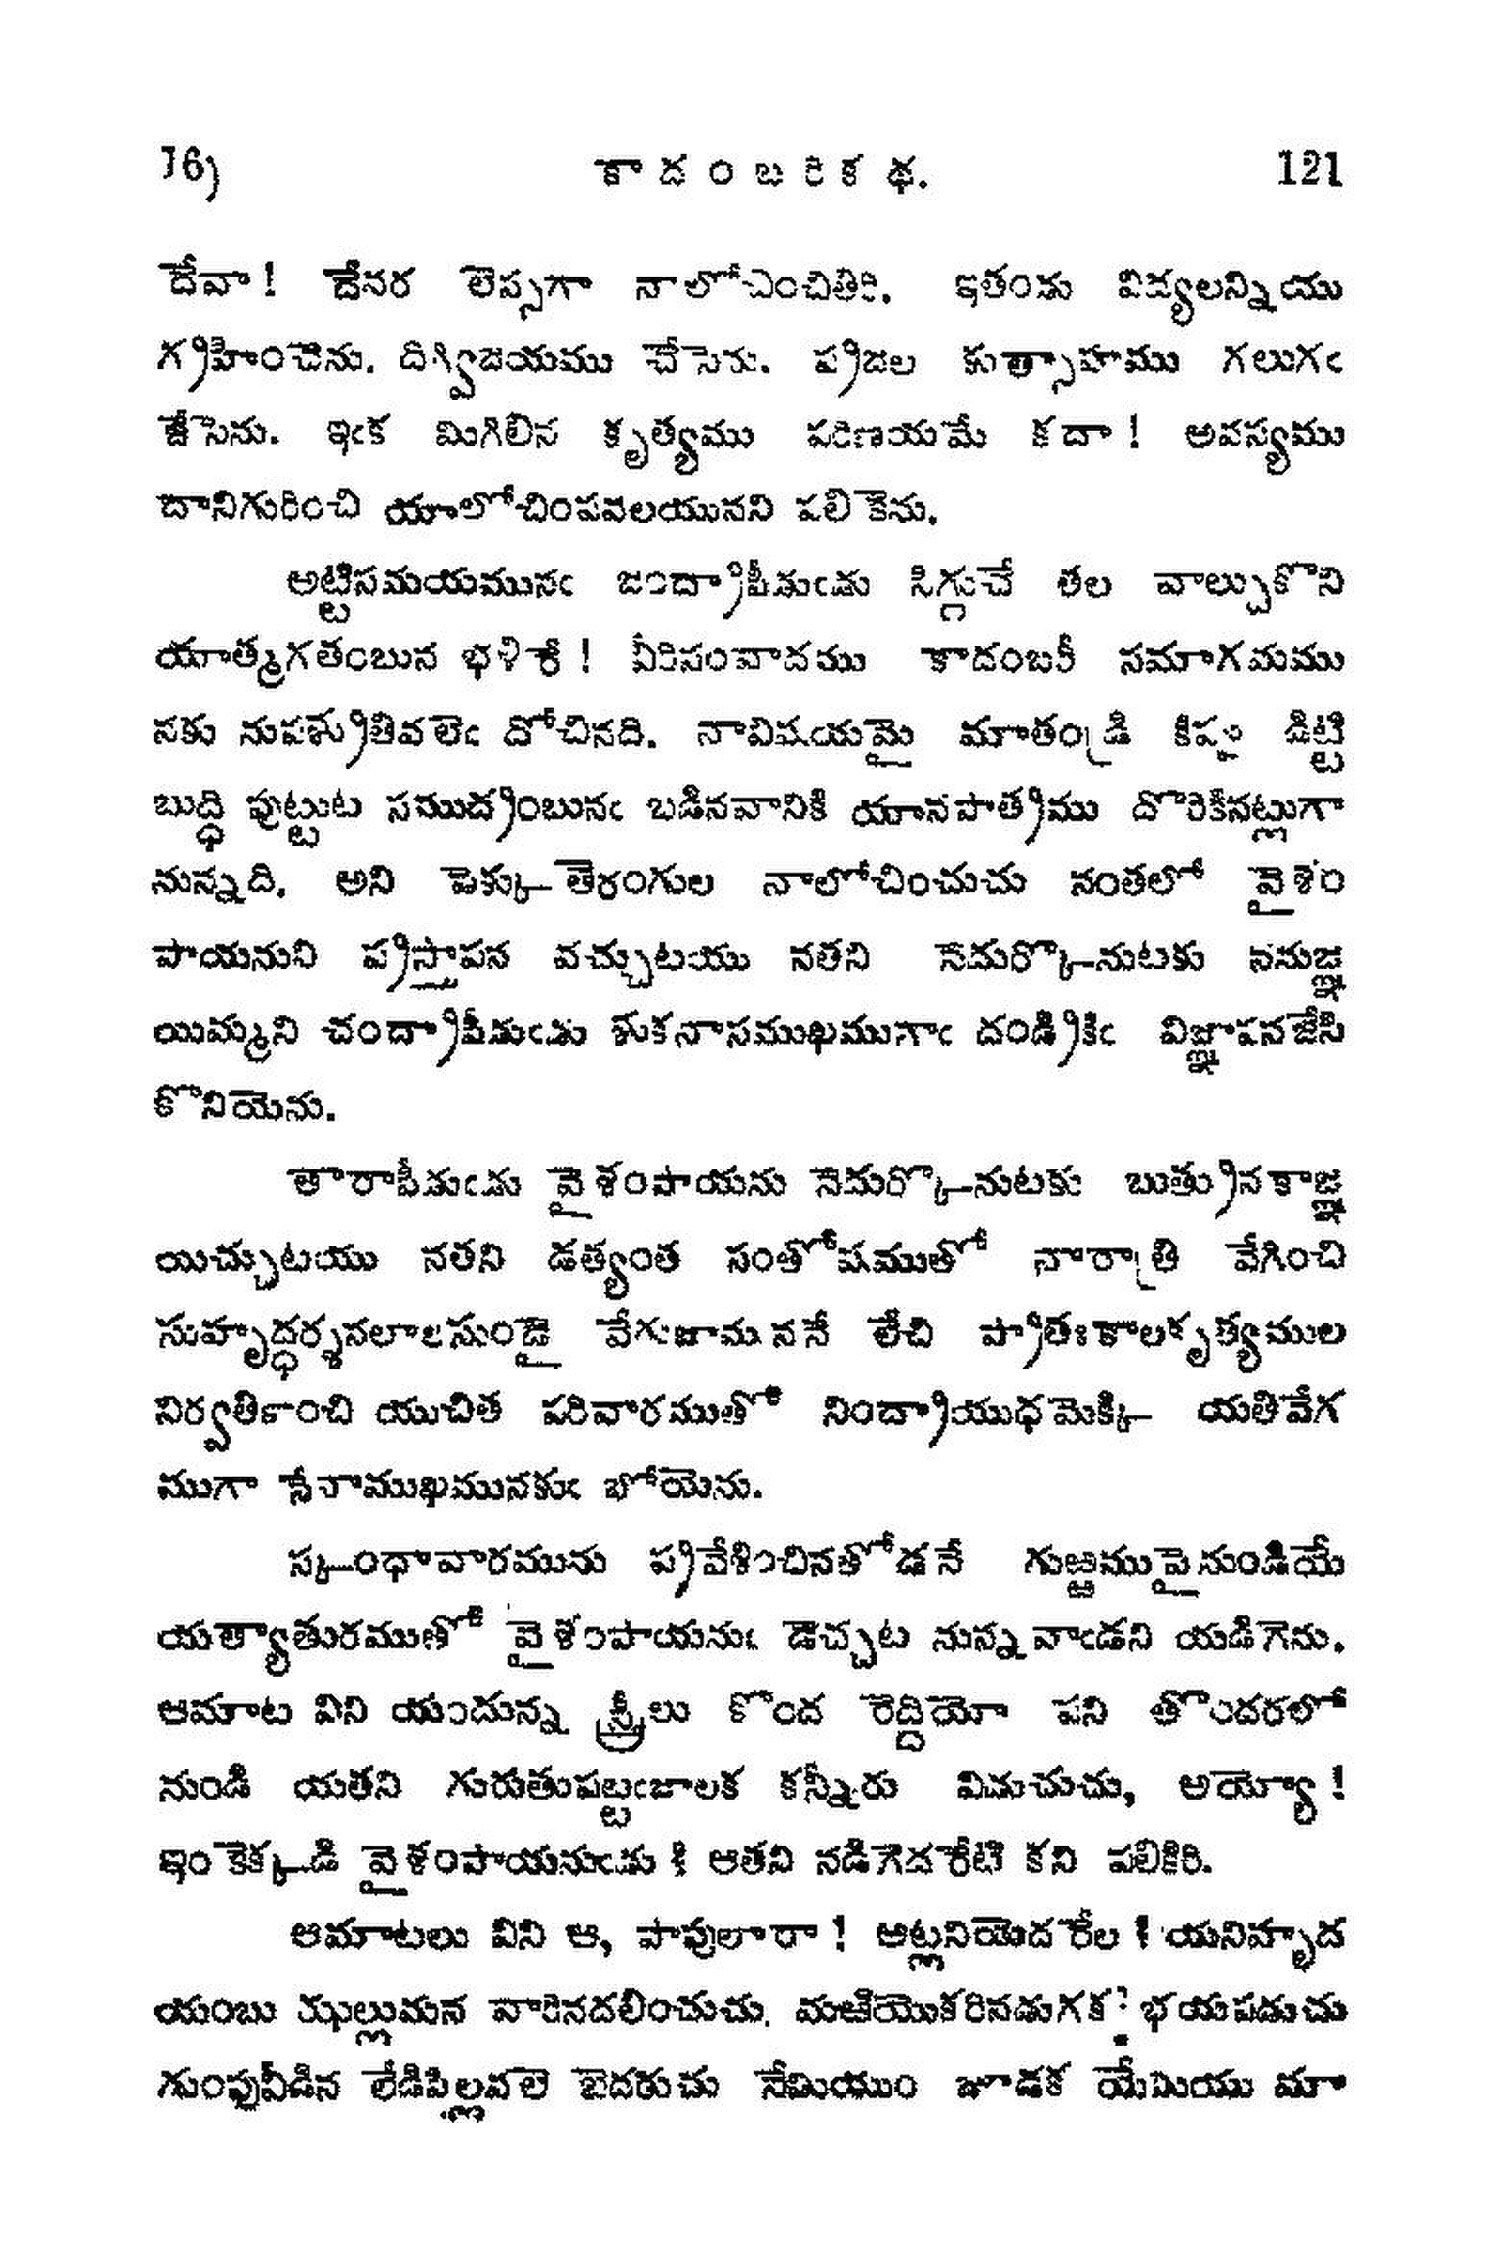దేవా! దేవర లెస్సగా నాలోచించితిరి. ఇతండు విద్యలన్నియు గ్రహించెను. దిగ్విజయము చేసెను. ప్రజల కుత్సాహము గలుగఁ జేసెను. ఇఁక మిగిలిన కృత్యము పరిణయమే కదా! అవస్యము దానిగురించి యాలోచింపవలయునని పలికెను.

అట్టిసమయమునఁ జంద్రాపీడుఁడు సిగ్గుచే తల వాల్చుకొని యాత్మగతంబున భళిరే! వీరిసంవాదము కాదంబరీ సమాగమమునకు నుపశ్రుతివలెఁ దోచినది. నావిషయమై మాతండ్రి కిప్పు డిట్టి బుద్ధి పుట్టుట సముద్రంబునఁ బడినవానికి యానపాత్రము దొరికినట్లుగా నున్నది. అని పెక్కు తెరంగుల నాలోచించు నంతలో వైశంపాయనుని ప్రస్తావన వచ్చుటయు నతని నెదుర్కొనుటకు ననుజ్ఞ యిమ్మని చంద్రాపీడుఁడు శుకనాసముఖముగాఁ దండ్రికిఁ విజ్ఞాపనజేసి కొనియెను.

తారాపీడుఁడు వైశంపాయను నెదుర్కొనుటకు బుత్రునకాజ్ఞ యిచ్చుటయు నతని డత్యంత సంతోషముతో నారాత్రి వేగించి సుహృద్ధర్శనలాలసుండై వేగుజాముననే లేచి ప్రాతఃకాలకృత్యముల నిర్వతి౯ంచి యుచిత పరివారముతో నింద్రాయుధమెక్కి యతివేగముగా సేనాముఖమునకుఁ బోయెను.

స్కంధావారమును ప్రవేశించినతోడనే గుఱ్ఱముపైనుండియే యత్యాతురముతో వైశంపాయనుఁ డెచ్చట నున్నవాఁడని యడిగెను. ఆమాట విని యందున్న స్త్రీలు కొంద రెద్దియో పని తొందరలో నుండి యతని గురుతుపట్టఁజాలక కన్నీరు విడుచుచు, అయ్యో! ఇం కెక్కడి వైశంపాయనుఁడు? ఆతని నడిగెదరేటి కని పలికిరి.

ఆమాటలు విని ఆ, పాపులారా! అట్లనియెద రేల? యనిహృదయంబు ఝల్లుమన వారినదలించుచు, మఱియొకరినడుగక భయపడుచు గుంపువీడిన లేడిపిల్లవలె బెదరుచు నేమియుం జూడక యేమియు మా